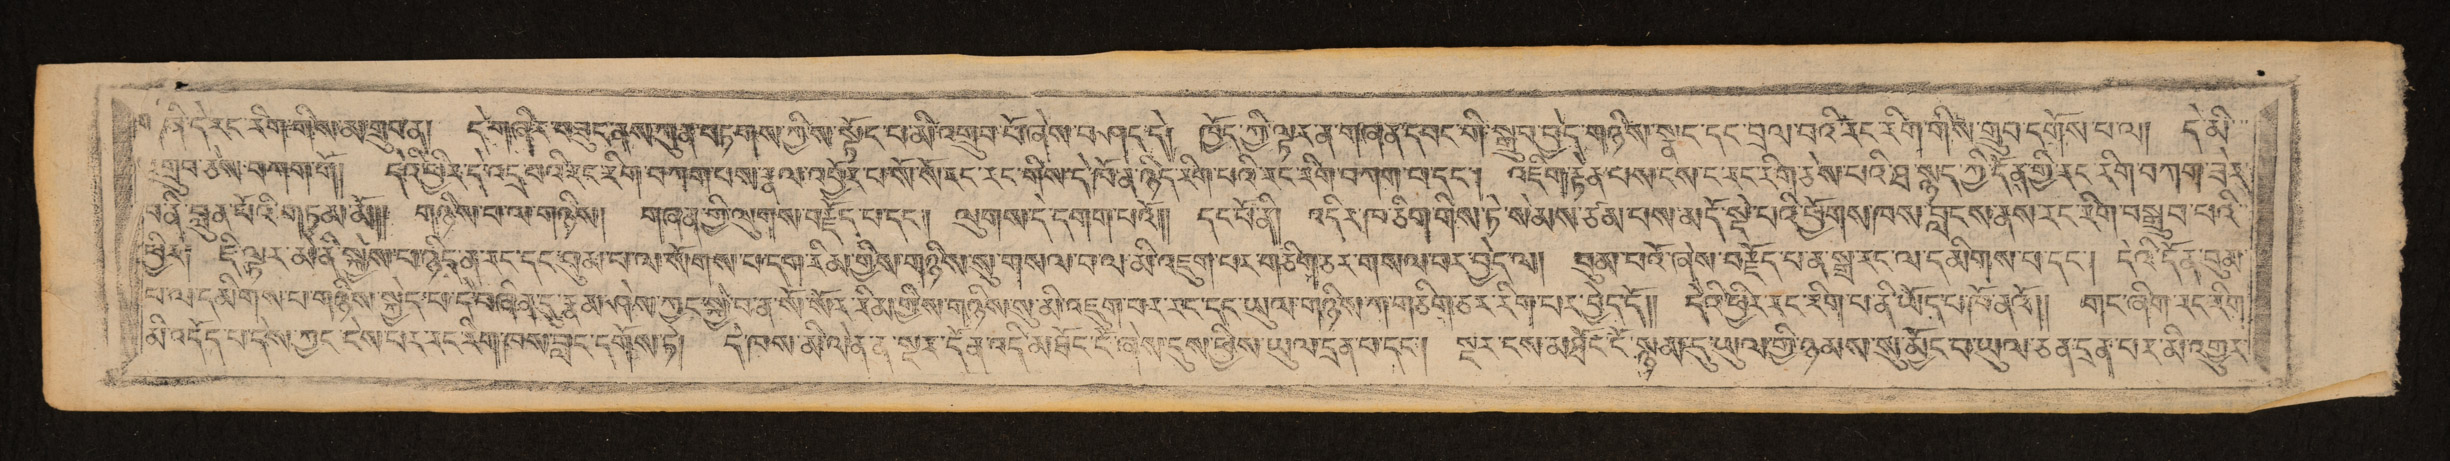གཞི་དེ་རང་རིག་གིས་མ་གྲུབ་ན། དེ་གཞིར་བཟུང་ནས་ཀུན་བརྟགས་ཀྱིས་སྟོང་པ་མི་འགྲུབ་བོ་ཞེས་བཤད་དེ། ཁྱོད་ཀྱི་ལྟར་ན་གཞན་དབང་གི་སྒྲུབ་བྱེད་གཉིས་སྣང་དང་བྲལ་བའི་རང་རིག་གིས་གྲུབ་དགོས་པ་ལ། དེ་མི་
འགྲུབ་ཅེས་བཀག་གོ། དེའི་ཕྱིར་དེ་འདྲ་བའི་རང་རིག་བཀག་པས་རྣལ་འབྱོར་པ་སོ་སོ་རང་རང་གིས་དེ་ཁོ་ན་ཉིད་རིག་པའི་རང་རིག་བཀག་པ་དང་། འཇིག་རྟེན་པས་ངས་ང་རང་རིག་ཅེས་པའི་ཐ་སྙད་ཀྱི་དོན་གྱི་རང་རིག་བཀག་ཟེར་
བ་ནི་བླུན་པོའི་གཏམ་མོ།། གཉིས་པ་ལ་གཉིས། གཞན་གྱི་ལུགས་བརྗོད་པ་དང་། ལུགས་དེ་དགག་པའོ།། དང་པོ་ནི། འདིར་ཁ་ཅིག་གིས་ཏེ་སེམས་ཙམ་པས་མདོ་སྡེ་པའི་ཕྱོགས་ཁས་བླངས་ནས་རང་རིག་བསྒྲུབ་པའི་
ཕྱིར༑ ཇི་ལྟར་མེ་ནི་སྐྱེས་པ་ཉིད་ན་རང་དང་བུམ་པ་ལ་སོགས་པ་དག་རིམ་གྱིས་གཉིས་སུ་གསལ་བ་ལ་མི་འཇུག་པར་གཅིག་ཅར་གསལ་བར་བྱེད་ལ། བུམ་པའོ་ཞེས་བརྗོད་ན་སྒྲ་རང་ལ་དམིགས་པ་དང་། དེའི་དོན་བུམ་
པ་ལ་དམིགས་པ་གཉིས་སྐྱེད་པ་དེ་བཞིན་དུ་རྣམ་ཤེས་ཀྱང་སྐྱེ་བ་ན་སོ་སོར་རིམ་གྱིས་གཉིས་སུ་མི་འཇུག་པར་རང་དང་ཡུལ་གཉིས་ཀ་གཅིག་ཅར་རིག་པར་བྱེད་དོ།། དེའི་ཕྱིར་རང་རིག་པ་ནི་ཡོད་པ་ཁོ་ནའོ།། གང་ཞིག་རང་རིག་
མི་འདོད་པ་དེས་ཀྱང་ངེས་པར་རང་རིག་ཁས་བླང་དགོས་ཏེ། དེ་ཁས་མི་ལེན་ན་སྔར་དོན་འདི་མཐོང་ངོ་ཞེས་དུས་ཕྱིས་ཡུལ་དྲན་པ་དང་། སྔར་ངས་མཐོང་ངོ་སྙམ་དུ་ཡུལ་གྱི་ཉམས་སུ་མྱོང་བ་ཡུལ་ཅན་དྲན་པར་མི་འགྱུར་